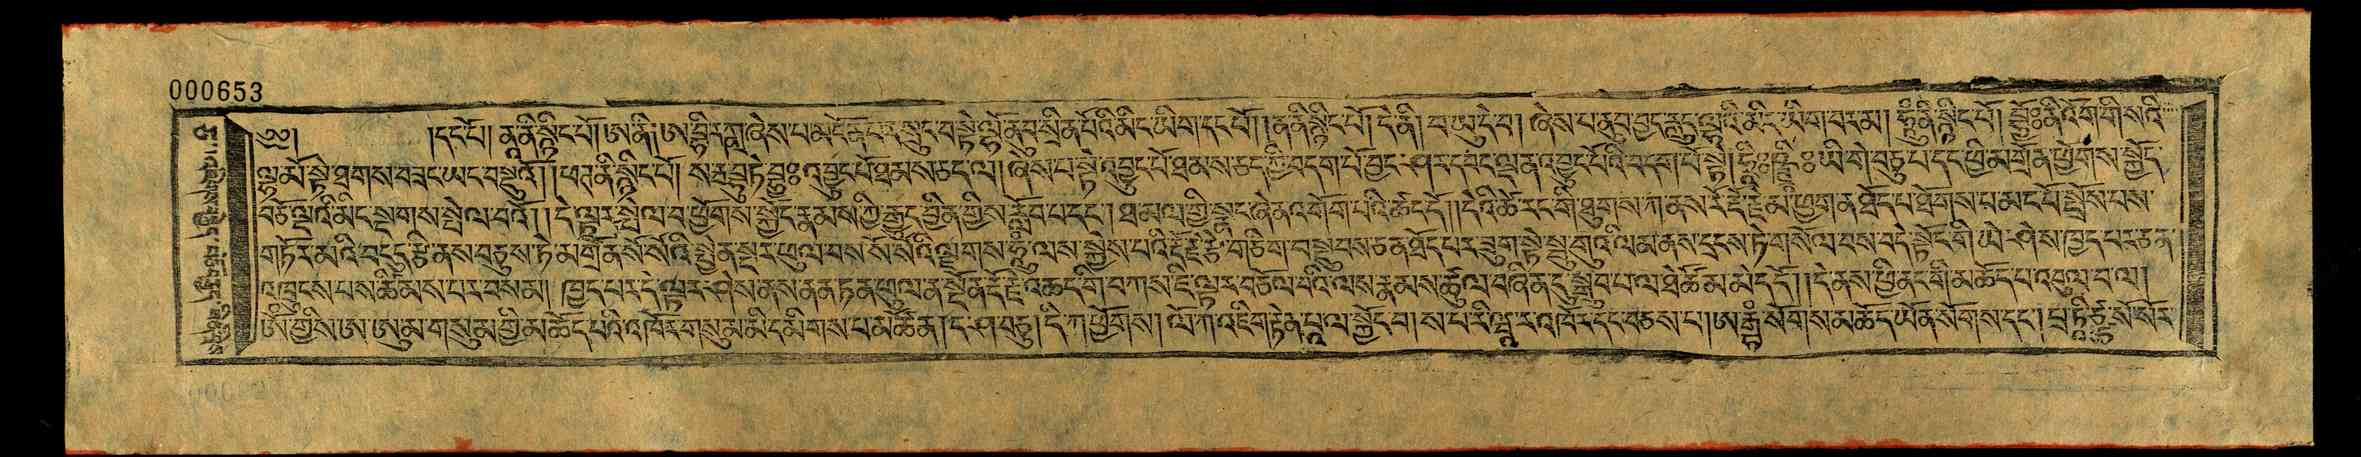༄༅། །དང་པོ། ནཱུ་ནི་སྙིང་པོ། ཨ་ནི༑ ཨ་བྷི་རཀྵ་ཞེས་པ་མངོན་པར་སྲུང་བ་སྟེ་ལྷོ་ནུབ་སྲིན་པོའི་མིང་ཡིག་དང་པོ། །ན་ནི་སྙིང་པོ། དེ་ནི། བ་ཡུ་དེ་བ། ཞེས་པ་ནུབ་བྱང་རླུང་ལྷའི་མིང་ཡིག་བར་མ། ཧཱུཾ་ནི་སྙིང་པོ། བྷྱོཿ ནི་འོག་གི་སའི་
ལྷ་མོ་སྟེ་ཐགས་བཟང་ཡང་བསྡུའོ། །ཕཊ་ནི་སྙིང་པོ། སརྦ་བྷུ་ཏེ་བྷྱཿ འབྱུང་པོ་ཐམས་ཅད་ལ། ཞེས་པ་སྟེ་འབྱུང་པོ་ཐམས་ཅད་ཀྱི་བདག་པོ་བྱང་ཤར་དབང་ལྡན་འབྱུང་པོའི་བདག་པོ་སྟེ། ཧྲཱིཿ ཥྜྲིཿ ཡི་གེ་བཅུ་པ་དང་ཕྱི་མགྲོན་ཕྱོགས་སྐྱོང་
བཅོ་ལྔའི་མིང་སྔགས་སྤེལ་བའོ། །དེ་ལྟར་སྤེལ་བ་ཕྱོགས་སྐྱོང་རྣམས་ཀྱི་རྒྱུད་བྱིན་གྱིས་རློབ་པ་དང་། ཐ་མལ་གྱི་སྣང་ཞེན་འགོག་པའི་ཆེད་དོ། །དེའི་ཚེ་རང་གི་ཐུགས་ཀ་ནས་རོ་རྡོ་རྗེ་མ་ཕྱག་ན་ཐོད་པ་ཐོགས་པ་མང་པོ་སྤྲོས་པས་
གཏོར་མའི་བདུད་རྩི་ནས་བཅུས་ཏེ་མགྲོན་སོ་སོའི་སྤྱན་སྔར་ཕུལ་བས་སོ་སོའི་ལྗགས་ཧཱུཾ་ལས་སྐྱེས་པའི་རྡོ་རྗེ་རྩེ་གཅིག་པ་སྦུབས་ཅན་ཐོད་པར་ཟུག་སྟེ་སྦུ་གུའི་ལིམ་ནས་དྲངས་ཏེ་གསོལ་བས་བདེ་སྟོང་གི་ཡེ་ཤེས་ཁྱད་པར་ཅན་
འཁྲུངས་པས་ཚིམས་པར་བསམ། ཁྱད་པར་དེ་ལྟར་ཤེས་ནས་ནན་ཏན་ཕུལ་ན་སྔོན་རྡོ་རྗེ་འཆང་གི་བཀས་ཇི་ལྟར་བཅོལ་བའི་ལས་རྣམས་ཚུལ་བཞིན་དུ་སྒྲུབ་པ་ལ་ཐེ་ཚོམ་མེད་དོ། །དེ་ནས་ཕྱི་ནང་གི་མཆོད་པ་འབུལ་བ་ལ།
ཨོཾ་གྱིས་ཨ་ཨུ་མ་གསུམ་གྱི་མཆོད་པའི་འཁོར་གསུམ་མི་དམིགས་པ་མཚོན། ད་ཤ་བཅུ། དི་ཀ་ཕྱོགས། ལོ་ཀ་འཇིག་རྟེན་པཱ་ལ་སྐྱོང་བ། ས་པ་རི་ཝཱ་ར་འཁོར་དང་བཅས་པ། ཨརྒྷཾ་སོགས་མཆོད་ཡོན་སོགས་དང་། པྲ་ཏཱི་ཙྪ་སོ་སོར་